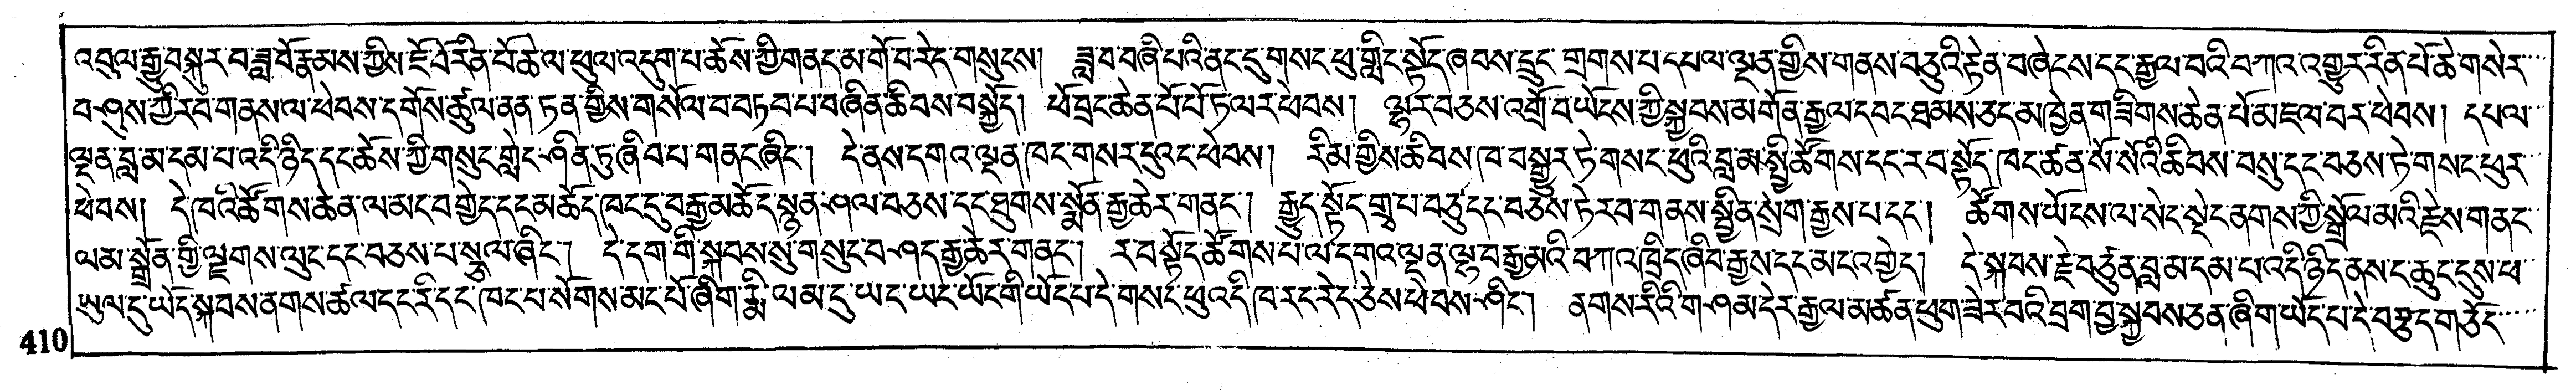འབུལ་རྒྱུ་བསྐུར་བཟླ་བོ་རྣམས་ཀྱིས་བོ་བོ་རིན་པོ་ཆེལ་ཕུལ་འདུག་པ་ཆོས་ཀྱི་གནང་མགོ་བ་རེད་གསུངས། ཟླ་བ་ཞི་པའི་ནང་དུ་གསང་ཕུ་གླིང་སྟོང་ཞབས་དྲུང་གྲགས་པ་དཔལ་ལྡན་གྱིས་གནས་བཅུའི་རྟེན་བཞེངས་དང་རྒྱལ་བའི་བཀའ་འགྱུར་རིན་པོ་ཆེ་གསར་
བཤུས་ཀྱི་རབ་གནས་ལ་ཕེབས་དགོས་ཚུལ་ནན་ཏན་གྱིས་གསོལ་བ་བཏབ་པ་བཞིན་ཆིབས་བསྐྱོང་། ཕོ་བྲང་ཆེན་པོ་པོ་ལྟ་ལར་ཕེབས། ལྷར་བཅས་འགྲོ་བ་ཡོངས་ཀྱི་སྐྱབས་མགོན་རྒྱལ་དབང་ཐམས་ཅད་མཁྱེན་གཟིགས་ཆེན་པོ་མཇལ་བར་ཕེབས། དཔལ་
ལྡན་བླ་མ་དམ་པ་འདི་ཉིད་དང་ཆོས་ཀྱི་གསུང་གླེང་ཤིན་ཏུ་ཞིབ་པ་གནང་ཞིང་། དེ་ནས་དགའ་ལྡན་ཁང་གསར་དུའང་ཕེབས། རིམ་གྱིས་ཆིབས་ཁ་བསྒྱུར་ཏེ་གསང་ཕུའི་བླ་མ་སྤྱི་ཚོགས་དང་རབ་སྟོང་ཁང་ཚན་སོ་སོའི་ཆིབས་བསུ་དང་བཅས་ཏེ་གསང་ཕུར་
ཕེབས། དེ་ཁའི་ཚོགས་ཆེན་ལ་མང་འགྱེད་དང་མཆོད་ཁང་དུ་བརྒྱ་མཆོད་སྙན་ཤལ་བཅས་དང་ཐུགས་སྨོན་རྒྱ་ཆེར་གནང་། རྒྱུད་སྟོད་གྲྭ་པ་བཅུ་དང་བཅས་ཏེ་རབ་གནས་སྦྱིན་སྲེག་རྒྱས་པ་དང་། ཚོགས་ཡོངས་ལ་སེང་ལྡེང་ནགས་ཀྱི་སྒྲོལ་མའི་རྗེས་གནང་
ལམ་སྒྲོན་གྱི་ལྗགས་ལུང་དང་བཅས་པ་སྩལ་ཞིང་། དེ་དག་གི་སྐབས་སུ་གསུང་བཤད་རྒྱ་ཆེར་གནད། ར་བསྟོད་ཚོགས་པ་ལ་དགའ་ལྡན་ལྷ་བརྒྱ་མའི་བཀའ་ཁྲིད་ཞིབ་རྒྱས་དང་མང་འགྱེད། དེ་སྐབས་རྗེ་བཙུན་བླ་མ་དམ་པ་འདི་ཉིད་ནས་ང་ཆུང་དུས་ཕ་
ཡུལ་དུ་ཡོད་སྐབས་ནགས་ཚལ་དང་རི་དང་ཁང་པ་སོགས་མང་པོ་ཞིག་རྨི་ལམ་དུ་ཡང་ཡང་ཡོང་གི་ཡོད་པ་དེ་གསང་ཕུ་འདི་ཁ་རང་རེད་ཅེས་ཕེབས་ཤིང་། ནགས་རིའི་གཤམ་དེར་རྒྱལ་མཚན་ཕུག་ཟེར་བའི་བྲག་བྱ་སྐྱིབས་ཅན་ཞིག་ཡོད་པ་དེ་བརྩད་གཅོག་